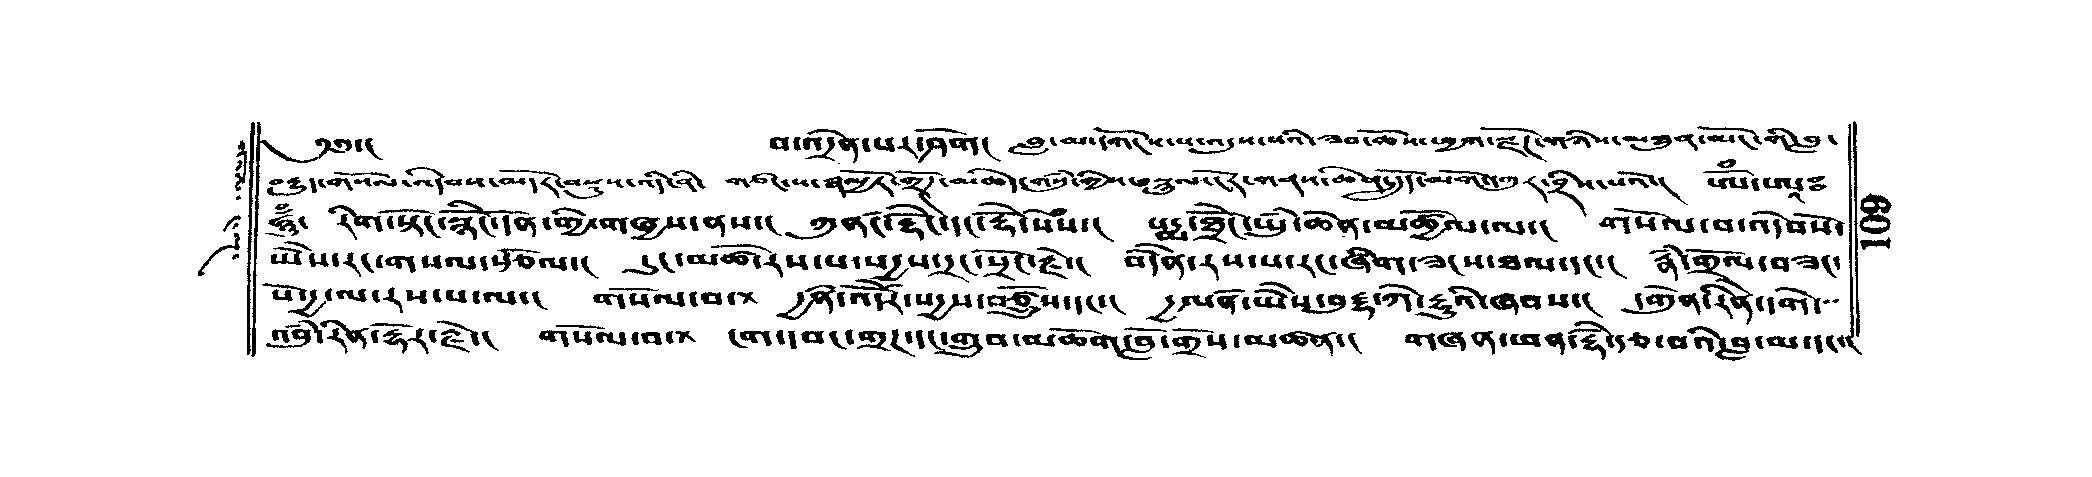བ་འདྲེན་པར་ཤོག བླ་མ་དགོངས་པ་འདུས་པའི་ཟབ་ཆོས་ཕྱག་རྫོགས་གཉིས་ཐུན་མོང་གི་བླ་
བརྒྱུད་གསོལ་འདེབས་མདོར་བསྡུས་འདི་ནི། གཙང་པ་རྣལ་འབྱོར་གྲོགས་མཆེད་གསུམ་གྱིས་བསྐུལ་ངོར་གནས་ཆེན་དུར་ཁྲོད་མགོ་དགུར་བྲིས་པའོ།། ཨོཾ་ཨཱཿ
ཧཱུྃ། རིག་སྟོང་སྙིང་པོ་དོན་གྱི་གཞལ་ཡས་ནས། །ཀུན་བཟང་རྡོ་རྗེ་འཆང་དང་རྡོ་རྗེ་སེམས། །པདྨ་ཐོད་ཕྲེང་ཡུམ་ཆེན་མཚོ་རྒྱལ་ལ། །གསོལ་བ་འདེབས་སོ་
ཡེ་ཤེས་རང་གསལ་སྩོལ། །དུང་མཚོ་རས་པ་སངས་རྒྱས་དྲང་སྲོང་རྗེ། །བདེ་ཆེན་རས་པ་རང་ཞིག་ཟང་ཐལ་དང་། །རྣམ་གྲོལ་བཟང་
པོ་རྒྱ་ལ་རས་པ་ལ། །གསོལ་བ༴ །རྒྱལ་མཚན་འོད་ཟེར་སངས་རྒྱས་བརྩོན་འགྲུས་དང་། །རྒྱལ་མཚན་ཡེ་ཤེས་བུདྡྷ་ཀེ་ཏུའི་ཞབས། །དགེ་འདུན་རིན་ཆེན་དགེ་
འབུམ་རིན་རྡོར་རྗེ། །གསོལ་བ༴ །ངག་དབང་གྲགས་དང་གྲུབ་མཆོག་བློ་གྲོས་མཚན། །གཞན་ཕན་རྡོ་རྗེ་རྩ་བའི་བླ་མ་དང་།